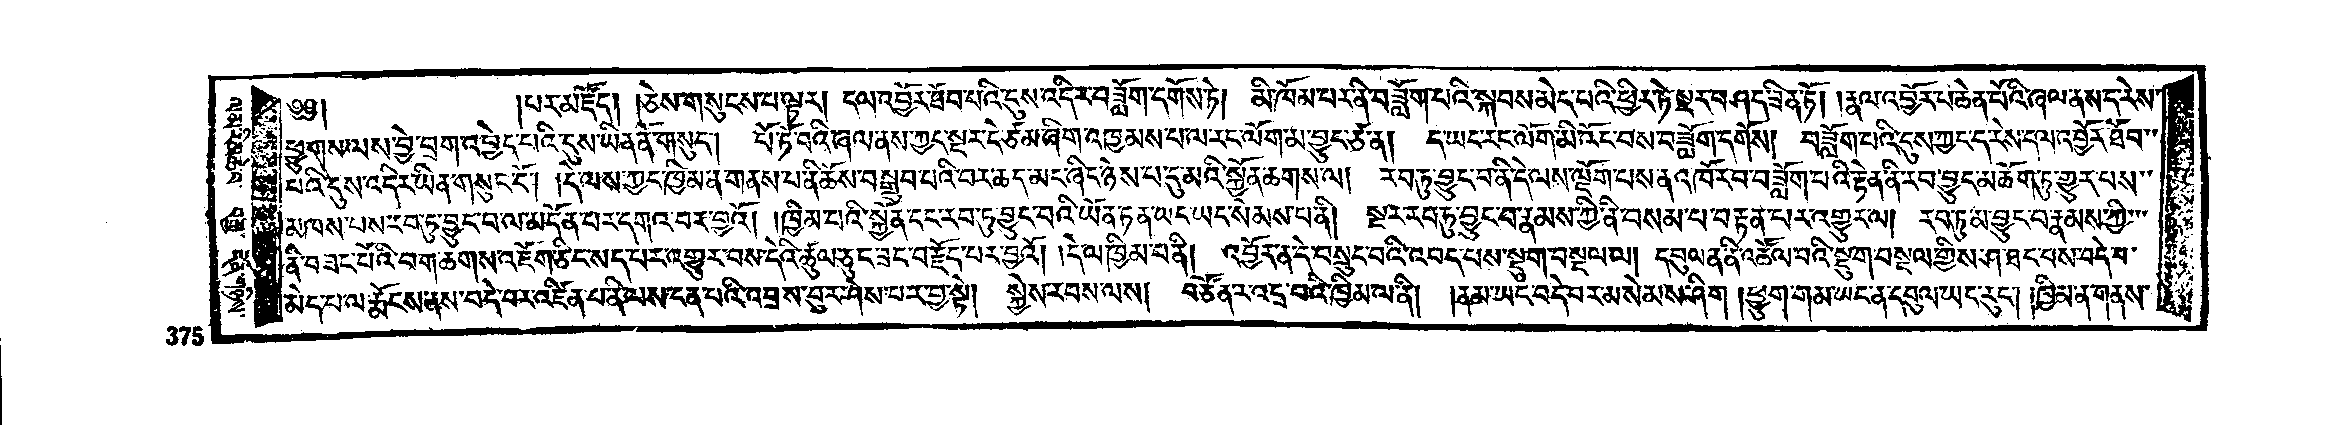༄༅། །པར་མཛོད། །ཅེས་གསུངས་པ་ལྟར། དལ་འབྱོར་ཐོབ་པའི་དུས་འདིར་བཟློག་དགོས་ཏེ། མི་ཁོམ་པར་ནི་བཟློག་པའི་སྐབས་མེད་པའི་ཕྱིར་ཏེ་སྔར་བཤད་ཟིན་ཏོ། །རྣལ་འབྱོར་པ་ཆེན་པོའི་ཞལ་ནས་ད་རེས་
ཕྱུགས་ལས་བྱེ་བྲག་འབྱེད་པའི་དུས་ཡིན་ནོ་གསུང་། པོ་ཏོ་བའི་ཞལ་ནས་ཀྱང་སྔར་དེ་ཙམ་ཞིག་འཁྱམས་པ་ལ་རང་ལོག་མ་བྱུང་ཙ་ན། ད་ཡང་རང་ལོག་མི་འོང་བས་བཟློག་དགོས། བཟློག་པའི་དུས་ཀྱང་ད་རེས་དལ་འབྱོར་ཐོབ་
པའི་དུས་འདིར་ཡིན་གསུང་ངོ། །དེ་ལས་ཀྱང་ཁྱིམ་ན་གནས་པ་ནི་ཆོས་བསྒྲུབ་པའི་བར་ཆད་མང་ཞིང་ཉེས་པ་དུ་མའི་སྐྱོན་ཆགས་ལ། རབ་ཏུ་བྱུང་བ་ནི་དེ་ལས་ལྡོག་པས་ན་འཁོར་བ་བཟློག་པའི་རྟེན་ནི་རབ་བྱུང་མཆོག་ཏུ་གྱུར་པས་
མཁས་པས་རབ་ཏུ་བྱུང་བ་ལ་མངོན་པར་དགའ་བར་བྱའོ། །ཁྱིམ་པའི་སྐྱོན་དང་རབ་ཏུ་བྱུང་བའི་ཡོན་ཏན་ཡང་ཡང་སེམས་པ་ནི། སྔར་རབ་ཏུ་བྱུང་བ་རྣམས་ཀྱི་ནི་བསམ་པ་བརྟན་པར་འགྱུར་ལ། རབ་ཏུ་མ་བྱུང་བ་རྣམས་ཀྱི་
ནི་བཟང་པོའི་བག་ཆགས་འཇོག་ཅིང་སད་བར་འགྱུར་བས་དེའི་ཚུལ་ཅུང་ཟད་བརྗོད་པར་བྱའོ། །དེ་ལ་ཁྱིམ་པ་ནི། འབྱོར་ན་དེ་བསྲུང་བའི་འབད་པས་སྡུག་བསྔལ་ལ། དབུལ་ན་ནི་འཚོལ་བའི་སྡུག་བསྔལ་གྱིས་ཤ་ཐང་བས་བདེ་བ་
མེད་པ་ལ། རྨོངས་ནས་བདེ་བར་འཛིན་པ་ནི་ལས་ངན་པའི་འབྲས་བུར་ཤེས་པར་བྱ་སྟེ། སྐྱེས་རབས་ལས། བཙོན་ར་འདྲ་བའི་ཁྱིམ་ལ་ནི། །ནམ་ཡང་བདེ་བར་མ་སེམས་ཤིག །ཕྱུག་གམ་ཡང་ན་དབུལ་ཡང་རུང་། །ཁྱིམ་ན་གནས་